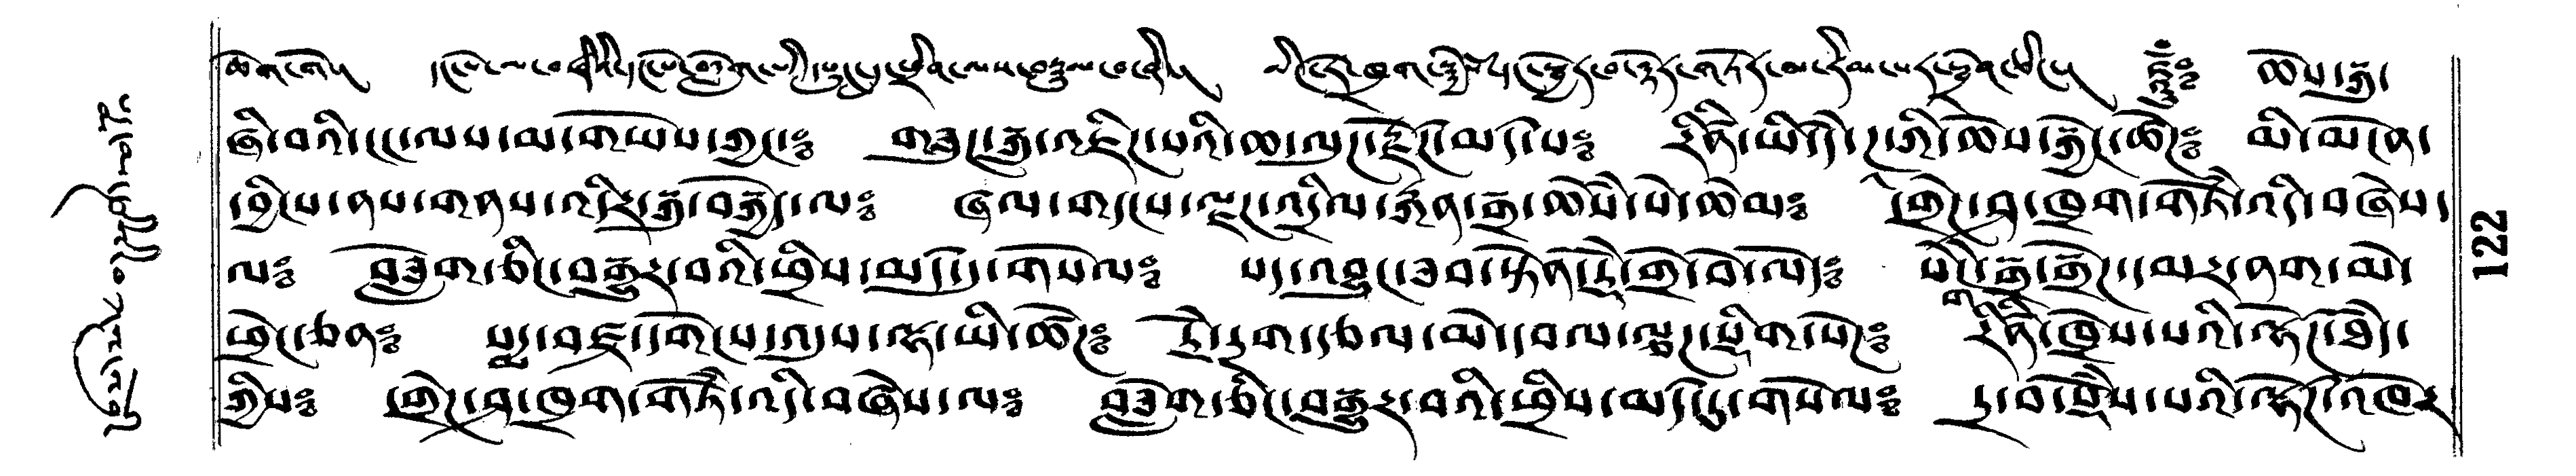ཆོག་གོ དང་པོ་ལ་གཞིའི་བདག་པོ་བཟློག་པའི་དཔུང་དུ་ཕྲིན་ལས་བསྐུལ་བ་ནི། ལིང་རོ་ཁྲག་སྐྱེམས་དང་སྦྱར་བ་ཟོར་གཏོར་ལ་རིམ་པར་བྲན་ཅིང་། ཧཱུྃ༔ ཆོས་སྐུ་
ཞི་བའི་ངང་ལས་མ་གཡོས་ཀྱང༔ གཟུགས་སྐུ་འཇིགས་པའི་ཆ་ལུགས་རྫོགས་མཛད་པ༔ རིག་འཛིན་ཡི་དམ་ཌཱ་ཀི་ཆོས་སྐྱོང་ཚོགས༔ མི་མངོན་
དབྱིངས་ནས་གནས་འདིར་སྐུ་བསྐྱོད་ལ༔ ཞལ་གདངས་ལྗགས་འདྲིལ་རྐན་སྒྲ་ཆེམས་སེ་ཆེམ༔ དགྲ་བགེགས་ཤ་ཁྲག་གཏོར་མ་འདི་བཞེས་
ལ༔ བཟློག་ཅིང་བསྒྱུར་བའི་ཕྲིན་ལས་མཛད་དུ་གསོལ༔ པད་འབྱུང་ཟབ་སྟོན་རྡོ་རྗེ་གྲོ་བོ་ལོད༔ སེངྒེ་སྒྲ་སྒྲོགས་དམར་ནག་མེ་
ཕྲེང་ཅན༔ པདྨ་བཛྲ་དགོངས་འདུས་ལྷ་ཡི་ཚོགས༔ རྡོ་རྗེ་དྲག་རྩལ་མེ་དབལ་ལྕགས་སྡིག་སོགས༔ རིག་འཛིན་ཁྲོས་པའི་ལྷ་ཚོགས་ཐམས་ཅད་
ཀྱིས༔ དགྲ་བགེགས་ཤ་ཁྲག་གཏོར་མ་འདི་བཞེས་ལ༔ བཟློག་ཅིང་བསྒྱུར་བའི་ཕྲིན་ལས་མཛད་དུ་གསོལ༔ དྲྭ་བ་སྡོམ་པའི་ལྷ་ཚོགས་འཁོར་